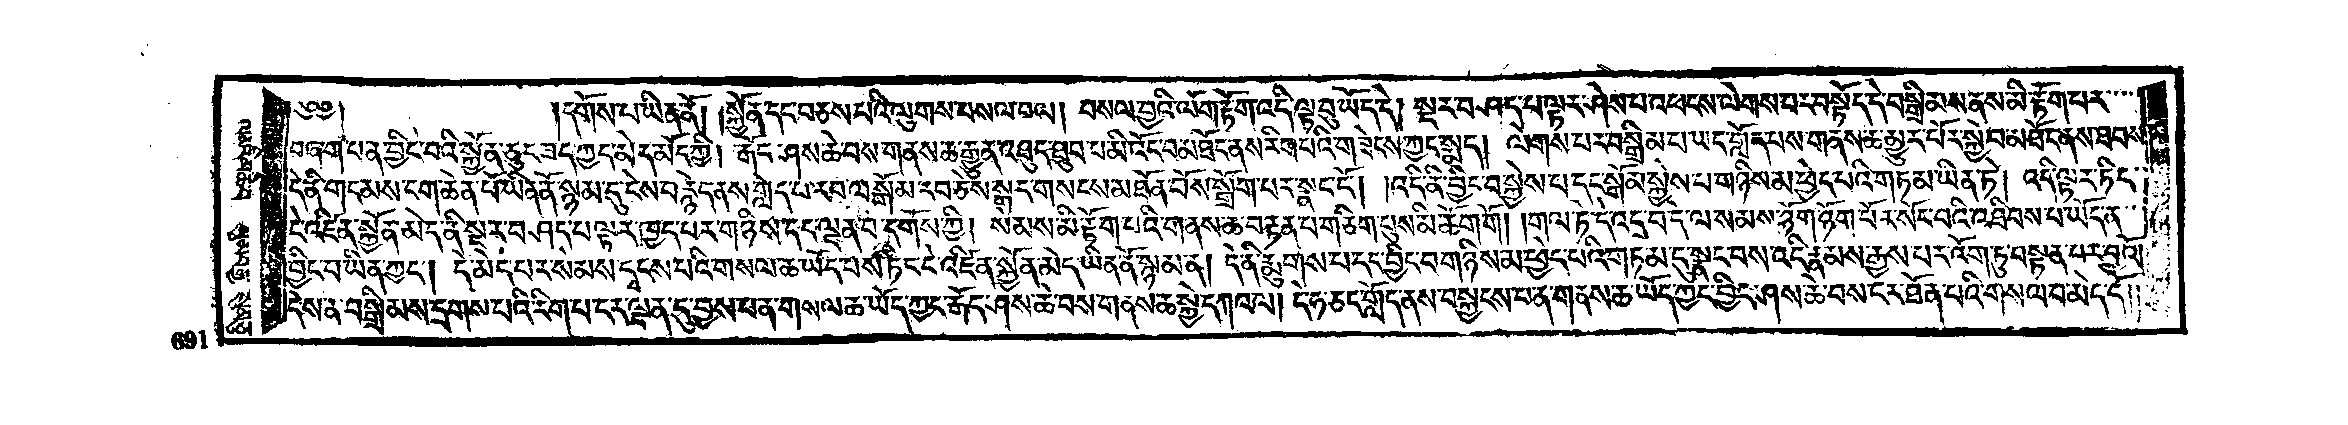༄༅། །དགོས་པ་ཡིན་ནོ། །སྐྱོན་དང་བཅས་པའི་ལུགས་བསལ་བ་ལ། བསལ་བྱའི་ལོག་རྟོག་འདི་ལྟ་བུ་ཡོད་དེ། སྔར་བཤད་པ་ལྟར་ཤེས་པ་འཕངས་ལེགས་པར་བསྟོད་དེ་བསྒྲིམས་ནས་མི་རྟོག་པར་
བཞག་པ་ན་བྱིང་བའི་སྐྱོན་ཅུང་ཟད་ཀྱང་མེད་མོད་ཀྱི། རྒོད་ཤས་ཆེ་བས་གནས་ཆ་རྒྱུན་འཐུད་ཐུབ་པ་མི་འོང་བ་མཐོང་ནས་རིག་པའི་གཟེངས་ཀྱང་སྨད། ལེགས་པར་བསྒྲིམ་པ་ཡང་གློད་པས་གནས་ཆ་མྱུར་པོར་སྐྱེ་བ་མཐོང་ནས་ཐབས་
དེ་ནི་གདམས་ངག་ཆེན་པོ་ཡིན་ནོ་སྙམ་དུ་ངེས་པ་རྙེད་ནས་གློད་པ་རབ་ལ་སྒོམ་རབ་ཅེས་སྐད་གསངས་མཐོན་པོས་སྒྲོག་པར་སྣང་ངོ། །འདི་ནི་བྱིང་བ་སྐྱེས་པ་དང་སྒོམ་སྐྱེས་པ་གཉིས་མ་ཕྱེད་པའི་གཏམ་ཡིན་ཏེ། འདི་ལྟར་ཏིང་
ངེ་འཛིན་སྐྱོན་མེད་ནི་སྔར་བཤད་པ་ལྟར་ཁྱད་པར་གཉིས་དང་ལྡན་པ་དགོས་ཀྱི། སེམས་མི་རྟོག་པའི་གནས་ཆ་བརྟན་པ་གཅིག་པུས་མི་ཆོག་གོ། །གལ་ཏེ་དེ་འདྲ་བ་དེ་ལ་སེམས་ཉོག་ཉོག་པོར་སོང་བའི་འཐིབས་པ་ཡོད་ན་
བྱིང་བ་ཡིན་ཀྱང་། དེ་མེད་པར་སེམས་དྭངས་པའི་གསལ་ཆ་ཡོད་པས་ཏིང་ངེ་འཛིན་སྐྱོན་མེད་ཡིན་ནོ་སྙམ་ན། དེ་ནི་རྨུགས་པ་དང་བྱིང་བ་གཉིས་མ་ཕྱེད་པའི་གཏམ་དུ་སྣང་བས་འདི་རྣམས་རྒྱས་པར་འོག་ཏུ་བསྟན་པར་བྱའོ། །
དེས་ན་བསྒྲིམས་དྲགས་པའི་རིག་པ་ངར་ལྡན་དུ་བྱས་པ་ན་གསལ་ཆ་ཡོད་ཀྱང་རྒོད་ཤས་ཆེ་བས་གནས་ཆ་སྐྱེ་དཀའ་ལ། དེ་ཧ་ཅང་གློད་ནས་བསྐྱངས་པ་ན་གནས་ཆ་ཡོད་ཀྱང་བྱིང་ཤས་ཆེ་བས་ངར་ཐོན་པའི་གསལ་བ་མེད་དོ། །